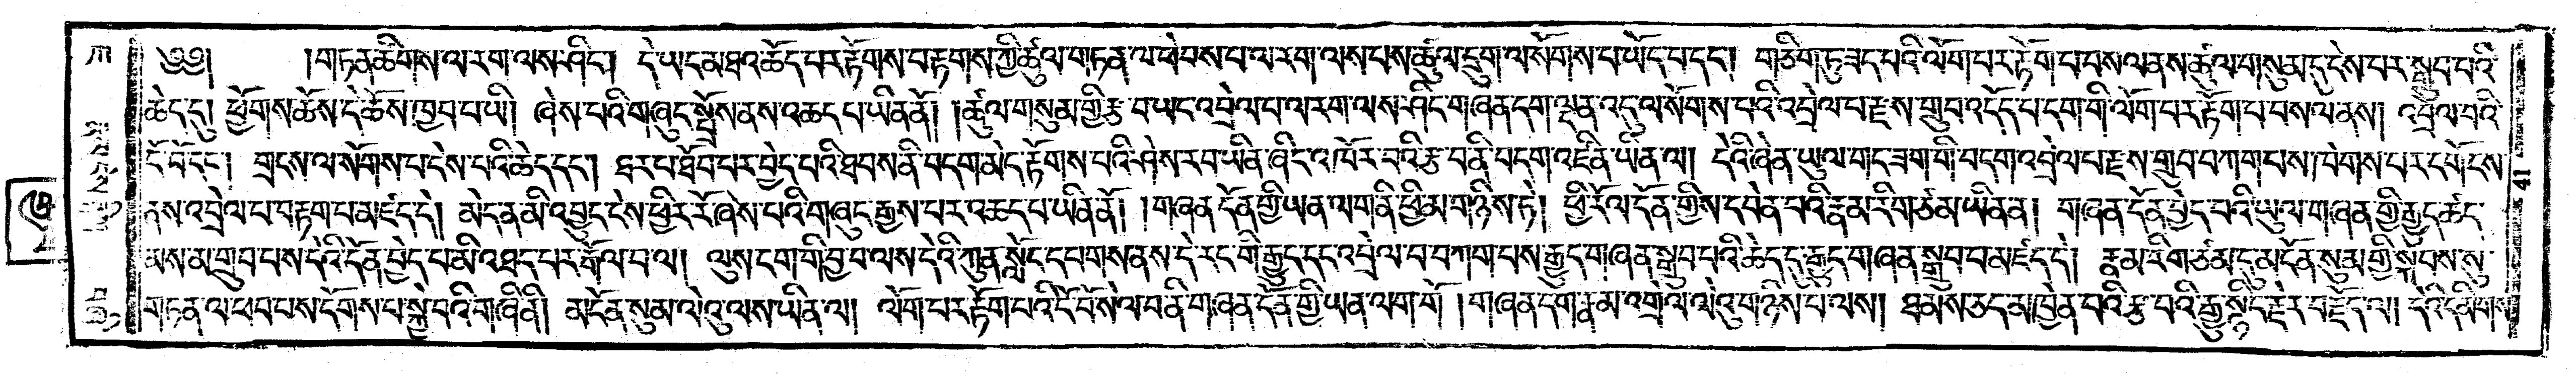༄༅། །གཏན་ཚིགས་ལ་རག་ལས་ཤིང་། དེ་ཡང་མཐའ་ཆོད་པར་རྟོགས་བརྟགས་ཀྱི་ཚུལ་གཏན་ལ་ཕེབས་པ་ལ་རག་ལས་པས་ཚུལ་དྲུག་ལ་སོགས་པ་ཡོད་པ་དང་། གཅིག་ཏུ་ཟད་པའི་ལོག་པར་རྟོག་པ་བསལ་ནས་ཚུལ་གསུམ་དུ་ངེས་པར་སྒྲུབ་པའི་
ཆེད་དུ། ཕྱོགས་ཆོས་དེ་ཆོས་ཁྱབ་པ་ཡི། ཞེས་པའི་གཞུང་སྤྲོས་ནས་འཆད་པ་ཡིན་ནོ། །ཚུལ་གསུམ་གྱི་རྩ་བ་ཡང་འབྲེལ་པ་ལ་རག་ལས་ཤིང་གཞན་དག་ལྡན་འདུ་ལ་སོགས་པའི་འབྲེལ་པ་རྫས་གྲུབ་འདོད་པ་དག་གི་ལོག་པར་རྟོག་པ་བསལ་ནས། འབྲེལ་བའི་
ངོ་བོ་དང་། གྲངས་ལ་སོགས་པ་ངེས་པའི་ཆེད་དང་། ཐར་པ་ཐོབ་པར་བྱེད་པའི་ཐབས་ནི་བདག་མེད་རྟོགས་པའི་ཤེས་རབ་ཡིན་ཞིང་འཁོར་བའི་རྩ་བ་ནི་བདག་འཛིན་ཡིན་ལ། དེའི་ཞེན་ཡུལ་གང་ཟག་གི་བདག་འབྲེལ་པ་རྫས་གྲུབ་བཀག་པས་ཁེགས་པར་དགོངས་
ནས་འབྲེལ་པ་བརྟག་པ་མཛད་དེ། མེད་ན་མི་འབྱུང་ངེས་ཕྱིར་རོ་ཞེས་པའི་གཞུང་རྒྱས་པར་འཆད་པ་ཡིན་ནོ། །གཞན་དོན་གྱི་ཡན་ལག་ནི་ཕྱི་མ་གཉིས་ཏེ། ཕྱི་རོལ་དོན་དབེན་པའི་རྣམ་རིག་ཙམ་ཡིན་ན། གཞན་དོན་བྱེད་པའི་ཡུལ་གཞན་གྱི་རྒྱུད་ཚད་
མས་མ་གྲུབ་པས་དེའི་དོན་བྱེད་པ་མི་འཐད་པར་རྒོལ་བ་ལ། ལུས་ངག་གི་བྱ་བ་ལས་དེའི་ཀུན་སློང་དཔགས་ནས་དེ་རང་གི་རྒྱུད་དང་འབྲེལ་པ་བཀག་པས་རྒྱུད་གཞན་སྒྲུབ་པའི་ཆེད་དུ་རྒྱུད་གཞན་སྒྲུབ་པ་མཛད་དེ། རྣམ་རིག་ཙམ་དུ་མངོན་སུམ་གྱི་སྐབས་སུ་
གཏན་ལ་ཕབས་པས་དོགས་པ་སྐྱེ་བའི་གཞི་ནི། མངོན་སུམ་ལེའུ་ལས་ཡིན་ལ། ལོག་པར་རྟོག་པའི་ངོ་བོ་སེལ་བ་ནི་གཞན་དོན་གྱི་ཡན་ལག་གོ །གཞན་དག་རྣམ་འགྲེལ་ལེའུ་གཉིས་པ་ལས། ཐམས་ཅད་མཁྱེན་པའི་རྩ་བའི་རྒྱུ་སྙིང་རྗེར་བརྗོད་ལ། དེའི་དམིགས་